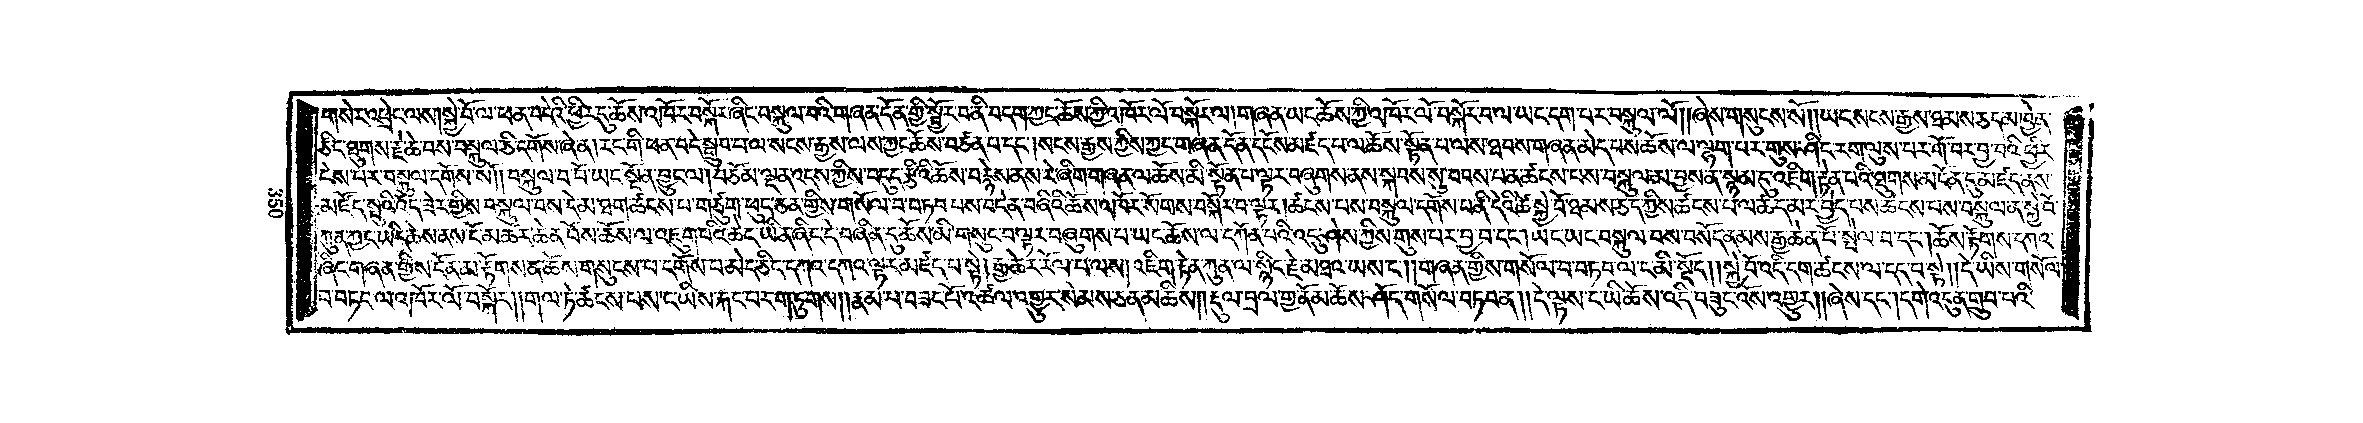གསེར་འཕྲེང་ལས། སྐྱེ་བོ་ལ་ཕན་བདེའི་ཕྱིར་དུ་ཆོས་འཁོར་བསྐོར་ཞིང་བསྐུལ་བའི་གཞན་དོན་གྱི་སྦྱོར་བ་ནི་བདག་ཀྱང་ཆོས་ཀྱི་འཁོར་ལོ་བསྐོར་ལ། གཞན་ཡང་ཆོས་ཀྱི་འཁོར་ལོ་བསྐོར་བ་ལ་ཡང་དག་པར་བསྐུལ་ལོ། །ཞེས་གསུངས་སོ། །ཡང་སངས་རྒྱས་ཐམས་ཅད་མཁྱེན་
ཅིང་ཐུགས་རྗེ་ཆེ་བས་བསྐུལ་ཅི་དགོས་ཞེ་ན། རང་གི་ཕན་བདེ་སྒྲུབ་པ་ལ་སངས་རྒྱས་ལས་ཀྱང་ཆོས་བཙན་པ་དང་། སངས་རྒྱས་ཀྱིས་ཀྱང་གཞན་དོན་དངོས་མཛད་པ་ལ་ཆོས་སྟོན་པ་ལས་ཐབས་གཞན་མེད་པས་ཆོས་ལ་ལྷག་པར་གུས་ཤིང་རག་ལུས་པར་གོ་བར་བྱ་བའི་ཕྱིར་
ངེས་པར་བསྐུལ་དགོས་སོ། །བསྐུལ་བ་པོ་ཡང་སྔོན་བྱུང་ལ། བཅོམ་ལྡན་འདས་ཀྱིས་བདུད་རྩིའི་ཆོས་བརྙེས་ནས་རེ་ཞིག་གཞན་ལ་ཆོས་མི་སྟོན་པ་ལྟར་བཞུགས་ནས་སྐབས་སུ་བབས་པ་ན་ཚངས་པས་བསྐུལ་མ་བྱས་ན་སྙམ་དུ་འཇིག་རྟེན་པའི་ཐུགས་མངོན་དུ་མཛད་ནས་
མཛོད་སྤུའི་འོད་ཟེར་གྱིས་བསྐུལ་བས་དེ་མ་ཐག་ཚངས་པ་གཙུག་ཕུད་ཅན་གྱིས་གསོལ་བ་བཏབ་པས་བདེན་བཞིའི་ཆོས་འཁོར་སོགས་བསྐོར་བ་ལྟར། ཚངས་པས་བསྐུལ་དགོས་པ་ནི་དེའི་ཚེ་སྐྱེ་བོ་ཐམས་ཅད་ཀྱིས་ཚངས་པ་ལ་ཚད་མར་བྱེད་པས་ཚངས་པས་བསྐུལ་ན་སྐྱེ་བོ་
ཀུན་ཀྱང་ཡིད་ཆེས་ནས་ངོ་མཚར་ཆེན་པོས་ཆོས་ལ་འཇུག་པའི་ཆེད་ཡིན་ཞིང་དེ་བཞིན་དུ་ཆོས་མི་གསུང་བ་ལྟར་བཞུགས་པ་ཡང་ཆོས་ལ་དཀོན་པའི་འདུ་ཤེས་ཀྱིས་གུས་པར་བྱ་བ་དང་། ཡང་ཡང་བསྐུལ་བས་བསོད་ནམས་རྒྱ་ཆེན་པོ་སྤེལ་བ་དང་། ཆོས་རྟོགས་དཀའ་
ཞིང་གཞན་གྱིས་དོན་མ་རྟོགས་ན་ཆོས་གསུངས་པ་དགོས་པ་མེད་ཅིང་དཀའ་དཀའ་ལྟར་མཛད་པ་སྟེ། རྒྱ་ཆེར་རོལ་པ་ལས། འཇིག་རྟེན་ཀུན་ལ་སྙིང་རྗེ་མཐའ་ཡས་ང་། །གཞན་གྱིས་གསོལ་བ་བཏབ་ལ་ང་མི་སྡོད། །སྐྱེ་བོ་འདི་དག་ཚངས་ལ་དད་པ་སྟེ། །དེ་ཡིས་གསོལ་
བ་བཏང་ལ་འཁོར་ལོ་བསྐོར། །གལ་ཏེ་ཚངས་པས་ང་ཡིས་རྐང་པར་གཏུགས། །རྣམ་པ་བཟང་པོ་འཚལ་འགྱུར་སེམས་ཅན་མཆིས། །རྡུལ་བྲལ་གྱ་ནོམ་ཆོས་ཤོད་གསོལ་བཏབ་ན། །དེ་ལྟས་ང་ཡི་ཆོས་འདི་བཟུང་འོས་འགྱུར། །ཞེས་དང་། དགེ་འདུན་གྲུབ་པའི་